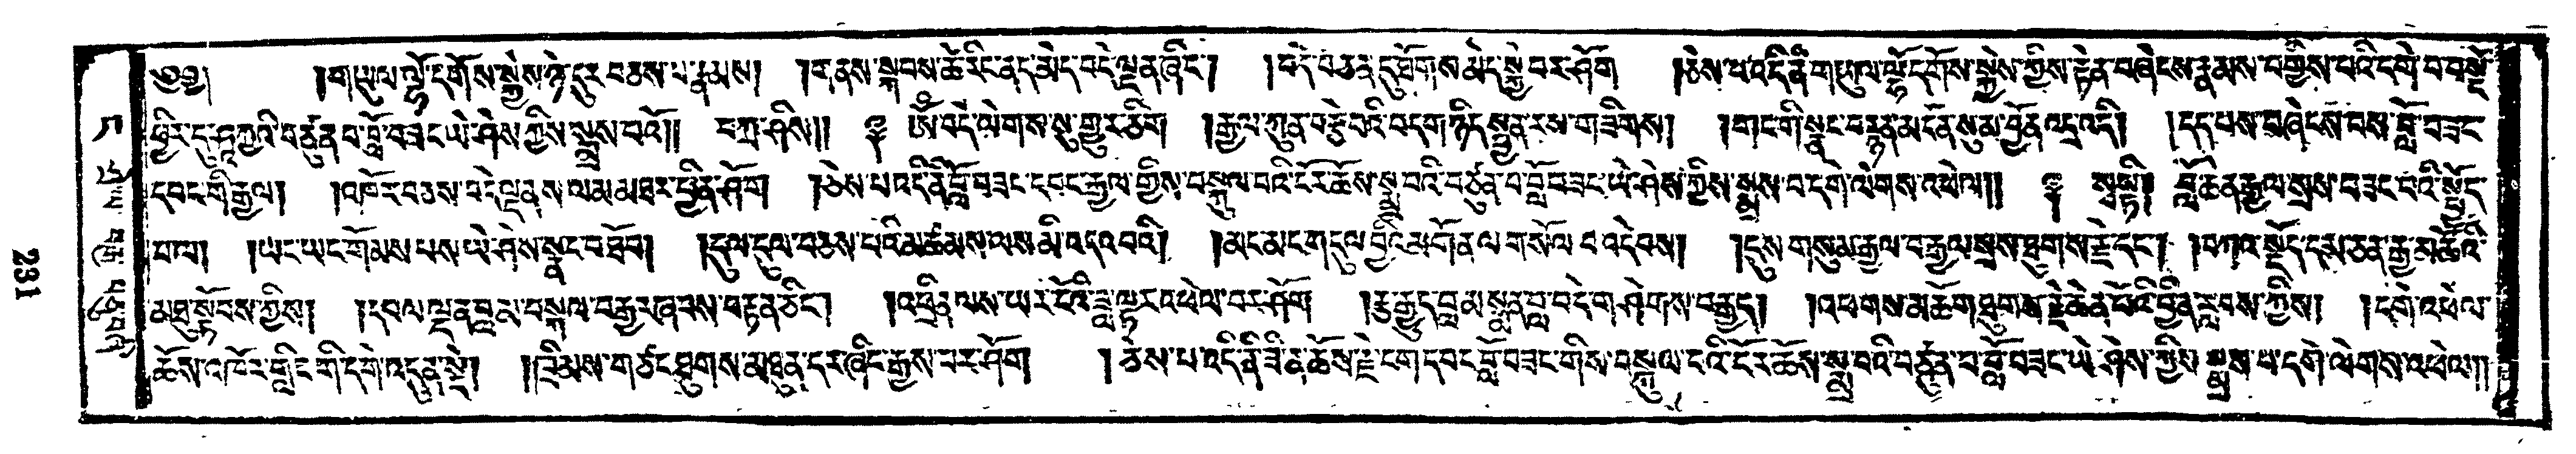༄༅། །གཡུལ་ལྷོ་དགོས་སྐྱེས་ཉེ་དུར་བཅས་པ་རྣམས། །གནས་སྐབས་ཚེ་རིང་ནད་མེད་བདེ་ལྡན་ཞིང་། །བདེ་བ་ཅན་དུ་ཐོགས་མེད་སྐྱེ་བར་ཤོག །ཅེས་པ་འདི་ནི་གཡུལ་ལྷོ་དགོས་སྐྱེས་ཀྱིས་རྟེན་བཞེངས་རྣམས་བགྱིས་པའི་དགེ་བ་བསྔོ་
ཕྱིར་དུ་ཤཱཀྱའི་བཙུན་བ་བློ་བཟང་ཡེ་ཤེས་ཀྱིས་སྨྲས་བའོ།། བཀྲ་ཤིས།། ༈ ཨོཾ་བདེ་ལེགས་སུ་གྱུར་ཅིག །རྒྱལ་ཀུན་བརྩེ་བའི་བདག་ཉིད་སྤྱན་རས་གཟིགས། །གང་གི་སྣང་བརྙན་མངོན་སུམ་བྱོན་འདྲ་འདི། །དད་པས་བཞེངས་བས་བློ་བཟང་
དབང་གི་རྒྱལ། །འཁོར་བཅས་བདེ་ལྡན་ས་ལམ་མཐར་ཕྱིན་ཤོག །ཅེས་པ་འདི་ནི་བློ་བཟང་དབང་རྒྱལ་གྱིས་བསྐུལ་བའི་ངོར་ཆོས་སྨྲ་བའི་བཙུན་བ་བློ་བཟང་ཡེ་ཤེས་ཀྱིས་སྨྲས་བ་དགེ་ལེགས་འཕེལ།། ༈ སྭསྟི། བློ་ཆེན་རྒྱལ་སྲས་བཟང་བའི་སྤྱོད་
བ་ལ། །ཡང་ཡང་གོམས་པས་ཡེ་ཤེས་སྣང་བ་ཐོབ། །དུལ་དུལ་བཅས་པའི་མཚམས་ལས་མི་འདའ་བའི། །མང་མང་གདུལ་བྱའི་མགོན་ལ་གསོལ་བ་འདེབས། །དུས་གསུམ་རྒྱལ་བ་རྒྱལ་སྲས་ཐུགས་རྗེ་དང་། །བཀའ་སྡོད་དམ་ཅན་རྒྱ་མཚོའི་
མཐུ་སྟོབས་ཀྱིས། །དབལ་ལྡན་བླ་མ་བསྐལ་བརྒྱར་ཞབས་བརྟན་ཅིང་། །འཕྲིན་ལས་ཡར་ངོའི་ཟླ་ལྟར་འཕེལ་བར་ཤོག །རྩ་རྒྱུད་བླ་མ་སྨན་བླ་བདེ་གཤེགས་བརྒྱད། །འཕགས་མཆོག་ཐུགས་རྗེ་ཆེན་པོའི་བྱིན་རླབས་ཀྱིས། །དགེ་འཕེལ་
ཆོས་འཁོར་གླིང་གི་དགེ་འདུན་སྡེ། །ཁྲིམས་གཙང་ཐུགས་མཐུན་དར་ཞིང་རྒྱས་པར་ཤོག །ཅེས་པ་འདི་ནི་ཟི་ན་ཆོས་རྗེ་ངག་དབང་བློ་བཟང་གིས་བསྐུལ་བའི་ངོར་ཆོས་སྨྲ་བའི་བཙུན་བ་བློ་བཟང་ཡེ་ཤེས་ཀྱིས་སྨྲས་པ་དགེ་ལེགས་འཕེལ།།